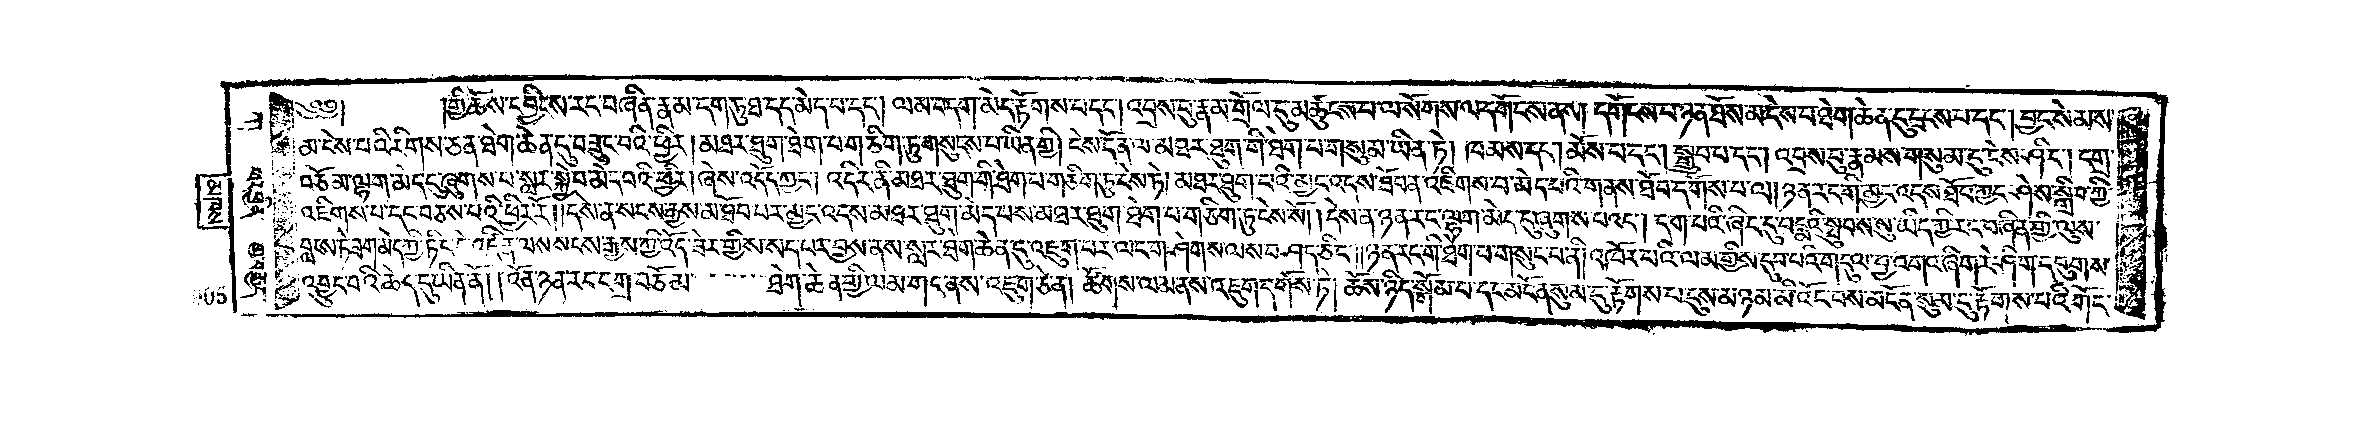༄༅། །གྱི་ཆོས་དབྱིངས་རང་བཞིན་རྣམ་དག་ཏུ་ཐ་དད་མེད་པ་དང་། ལམ་བདག་མེད་རྟོགས་པ་དང་། འབྲས་བུ་རྣམ་གྲོལ་དུ་མཚུངས་པ་ལ་སོགས་ལ་དགོངས་ནས། དགོངས་པ་ཉན་ཐོས་མ་ངེས་པ་ཐེག་ཆེན་དུ་དྲངས་པ་དང་། བྱང་སེམས་
མ་ངེས་པའི་རིགས་ཅན་ཐེག་ཆེན་དུ་བཟུང་བའི་ཕྱིར། མཐར་ཐུག་ཐེག་པ་གཅིག་ཏུ་གསུངས་པ་ཡིན་གྱི། ངེས་དོན་ལ་མཐར་ཐུག་གི་ཐེག་པ་གསུམ་ཡིན་ཏེ། ཁམས་དང་། མོས་པ་དང་། སྒྲུབ་པ་དང་། འབྲས་བུ་རྣམས་གསུམ་དུ་ངེས་ཤིང་། དགྲ་
བཅོམ་ལྷག་མེད་དུ་ཞུགས་པ་སླར་སྐྱེ་བ་མེད་པའི་ཕྱིར། ཞེས་འདོད་ཀྱང་། འདིར་ནི་མཐར་ཐུག་གི་ཐེག་པ་གཅིག་ཏུ་ངེས་ཏེ། མཐར་ཐུག་པའི་མྱང་འདས་ཐོབ་ན་འཇིགས་པ་མེད་པའི་གནས་ཐོབ་དགོས་པ་ལ། ཉན་རང་གི་མྱང་འདས་ཐོབ་ཀྱང་ཤེས་སྒྲིབ་ཀྱི་
འཇིགས་པ་དང་བཅས་པའི་ཕྱིར་རོ། །དེས་ན་སངས་རྒྱས་མ་ཐོབ་པར་མྱང་འདས་མཐར་ཐུག་མེད་པས་མཐར་ཐུག་ཐེག་པ་གཅིག་ཏུ་ངེས་སོ། །དེས་ན་ཉན་རང་ལྷག་མེད་དུ་ཞུགས་པའང་། དག་པའི་ཞིང་དུ་པདམའི་སྤུབས་སུ་ཡིད་ཀྱི་རང་བཞིན་གྱི་ལུས་
བླངས་ཏེ་ཟག་མེད་ཀྱི་ཏིང་ངེ་འཛིན་ལས་སངས་རྒྱས་ཀྱི་འོད་ཟེར་གྱིས་སད་པར་བྱས་ནས་སླར་ཐེག་ཆེན་དུ་འཇུག་པར་ལང་གཤེགས་ལས་བཤད་ཅིང་། ཉན་རང་གི་ཐེག་པ་གསུང་པ་ནི། འཁོར་པའི་ལམ་གྱིས་དུབ་པའི་གདུལ་བྱ་འགའ་ཞིག་རེ་ཤིག་དབུགས་
འབྱུང་བའི་ཆེད་དུ་ཡིན་ནོ། །འོ་ན་ཉན་རང་དགྲ་བཅོམ་ཐེག་ཆེན་གྱི་ལམ་གང་ནས་འཇུག་ཅེ་ན། ཚོགས་ལམ་ནས་འཇུག་དགོས་ཏེ། ཆོས་ཉིད་སྒོམ་པ་དང་མངོན་སུམ་དུ་རྟོགས་པ་དུས་མཉམ་མི་འོང་བས་མངོན་སུམ་དུ་རྟོགས་པའི་གོང་